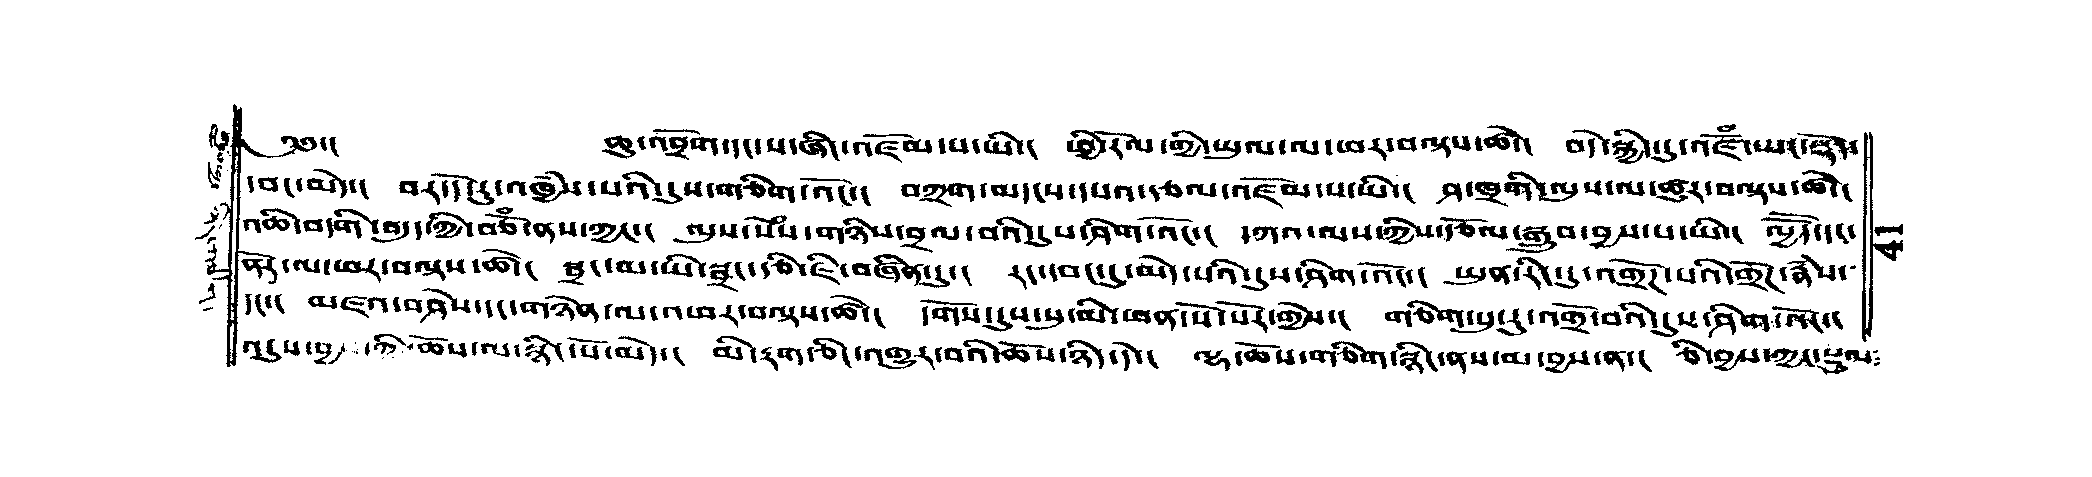༈ ཆུ་འབྲོག་དང་ས་ཞིང་འཛོམ་པ་ཡི། །ཕྱི་རོལ་གྱི་ཡུལ་ལ་ཕར་བལྟས་ཚེ། །བདེ་སྐྱིད་དུ་འཛོམ་ཡང་སྡོད་
དབང་མེད། །བར་དོ་རུ་འཁྱམས་པའི་དུས་གཅིག་འོང་། །བཀྲག་མདངས་དཔའ་རྩལ་འཛོམས་པ་ཡི། །ཤ་ཁྲག་གི་ལུས་ལ་ཚུར་བལྟས་ཚེ། །
འཆི་བདག་གི་བདུད་ཀྱི་བཅོམ་ནས་ཀྱང་། །ལུས་སེམས་གཉིས་བྲལ་བའི་དུས་ཤིག་འོང་། །དཀའ་ལས་ཀྱི་རྩོལ་སྒྲུབ་བྱས་པ་ཡི། །ལོངས་སྤྱོད་དང་
ནོར་ལ་ཕར་བལྟས་ཚེ། །སྦྲང་མ་ཡི་སྦྲང་རྩི་ཇི་བཞིན་དུ། །རང་དབང་དུ་མེད་པའི་དུས་ཤིག་འོང་། ཡུན་རིང་དུ་འགྲོགས་པའི་གྲོགས་རྣམས་
དང་། །མཛའ་བཤེས་དང་གཉེན་ལ་ཕར་བལྟས་ཚེ། །དགོས་དུས་སུ་མི་ཕན་སོ་སོར་གྱེས། །གཅིག་པུ་རུ་འགྲོ་བའི་དུས་ཞིག་འོང་། །
འདུས་བྱས་ཀྱི་ཆོས་ལ་སྙིང་པོ་མེད། །མི་རྟག་ཅིང་འགྱུར་བའི་ཆོས་ཉིད་དེ། །ལྷ་ཆོས་གཅིག་སྙིང་ནས་མ་བྱས་ན། །ཅིས་བྱས་ཀྱང་སྡུག་བསྔལ་